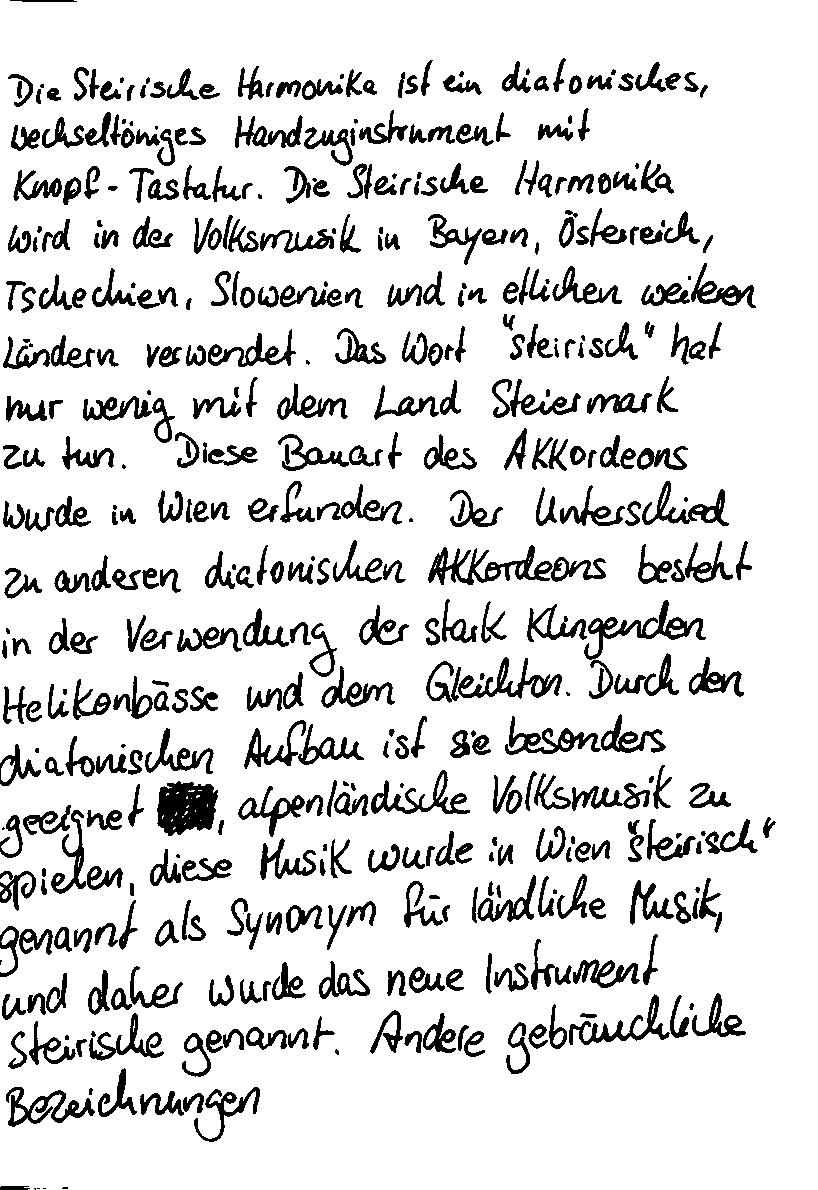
Die Steirische Harmonika ist ein diatonisches,
wechseltöniges Handzuginstrument mit
Knopf-Tastatur. Die Steirische Harmonika
wird in der Volksmusik In Bayern, Österreich,
Südtirol, Slowenien und in etlichen weiteren
Ländern verwendet. Das Wort "steirisch" hat
nur wenig mit dem Land Steiermark
zu tun. Diese Bauart des Akkordeons
wurde in Wien erfunden. Der Unterschied
zu anderen diatonischen Akkordeons besteht
in der Verwendung der stark klingenden
Helikonbässe und dem Gleichton. Durch den
diatonischen Aufbau ist sie besonders
geeignet, alpenländische Volksmusik zu
spielen, diese Musik wurde in Wien "steirisch"
genannt als Synonym für ländliche Musik,
und daher wurde das neue Instrument
Steirische genannt. Andere gebräuchliche
Bezeichnungen
